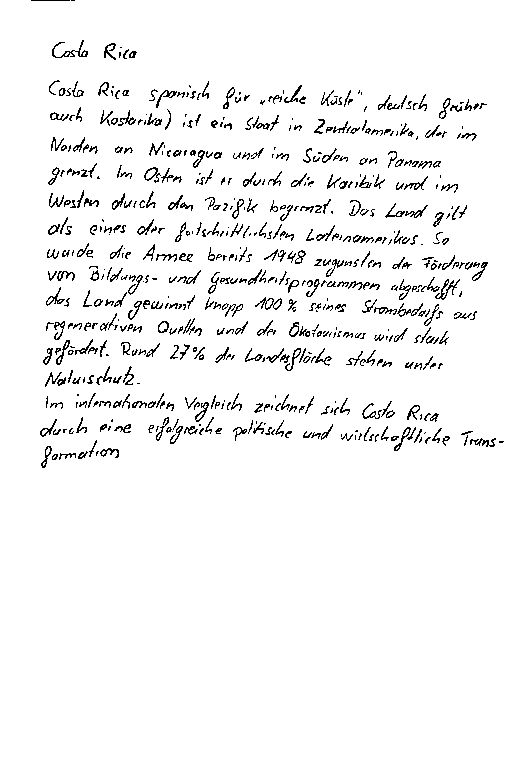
Costa Rica
Costa Rica spanisch für "reiche Küste", deutsch früher
auch Kostarika) ist ein Staat in Zentralamerika, der im
Norden an Nicaragua und im Süden an Panama
grenzt. Im Osten ist er durch die Karibik und im
Westen durch den Pazifik begrenzt. Das Land gilt
als eines der fortschrittlichsten Lateinamerikas. So
wurde die Armee bereits 1948 zugunsten der Förderung
von Bildungs- und Gesundheitsprogrammen abgeschafft,
das Land gewinnt knapp 100 % seines Strombedarfs aus
regenerativen Quellen und der Ökotourismus wird stark
gefördert. Rund 27 % der Landesfläche stehen unter
Naturschutz.
Im internationalen Vergleich zeichnet sich Costa Rica
durch eine erfolgreiche politische und wirtschaftliche Trans-
formation
